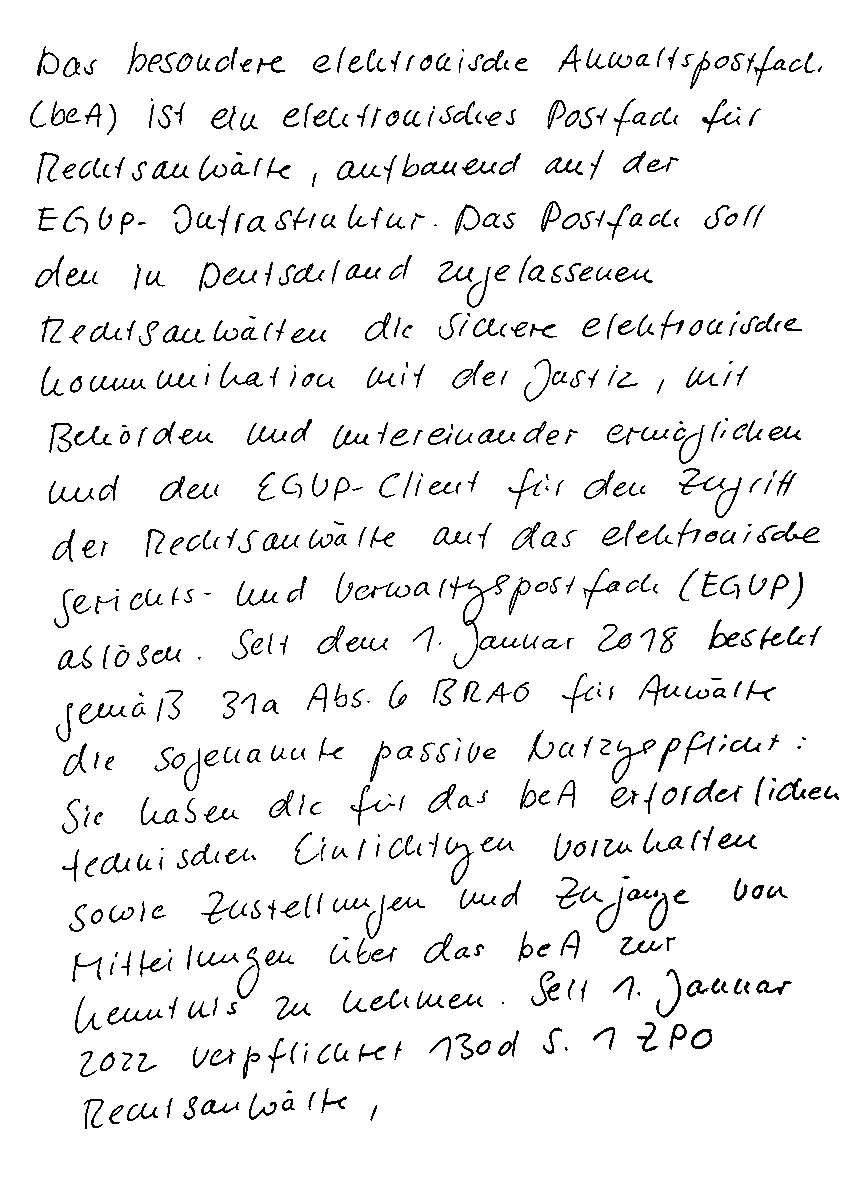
Das besondere elektronische Anwaltspostfach
(beA) ist ein elektronisches Postfach für
Rechtsanwälte, aufbauend auf der
EGVP- Infrastruktur. Das Postfach soll
den in Deutschland zugelassenen
Rechtsanwälten die sichere elektronische
Kommunikation mit der Justiz, mit
Behörden und Untereinander ermöglichen
und den EGVP-Client für den Zugriff
der Rechtsanwälte auf das elektronische
Gerichts- und Verwaltungspostfach (EGVP)
ablösen. Seit dem 1. Januar 2018 besteht
gemäß 31a Abs.6 BRAO für Anwälte
die Sogenannte passive Nutzungspflicht:
Sie haben die für das beA erforderlichen
technischen Einrichtungen vorzuhalten
sowie Zustellungen und Zugänge von
Mitteilungen über das beA zur
Kenntnis zu nehmen. Seit 1. Januar
2022 verpflichtet 130d S.1ZPO
Rechtsanwälte,
